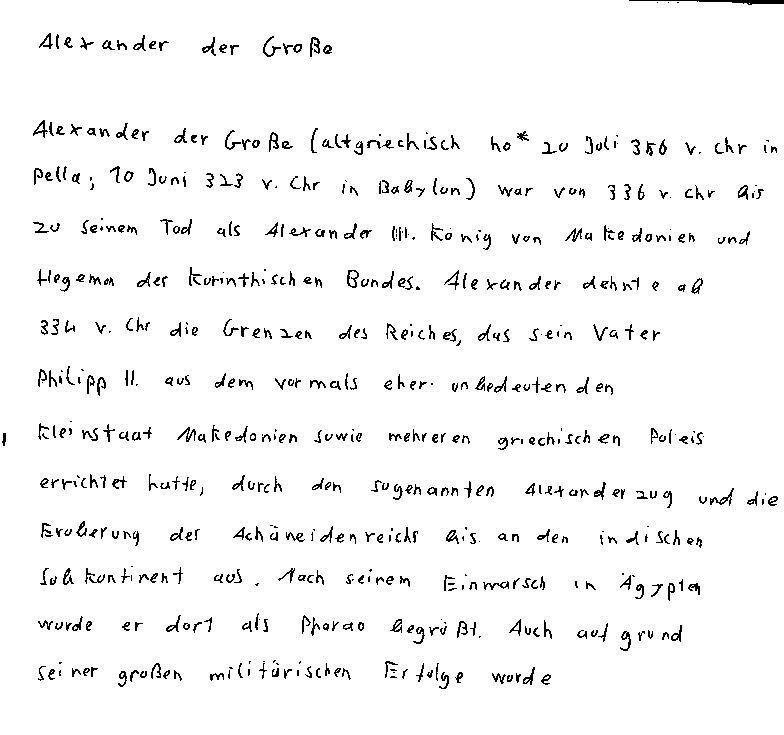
Alexander der Große
Alexander der Große (altgriechisch ho * 20 Juli 356 v. Chr. in
Pella; 10 Juni 323 v. Chr in Babylon) war von 336 v Chr bis
zu seinem Tod als Alexander III. König von Makedonien und
Hegemon des Korinthischen Bundes. Alexander dehnte ab
334 v. Chr die Grenzen des Reiches, das sein Vater
Philipp II. aus dem vormals eher unbedeutenden
Kleinstaat Makedonien sowie mehreren griechischen Poleis
errichtet hatte, durch durch sogenannten Alexanderzug und die
Eroberung des Achämenidenreichs bis an den indischen
Subkontinent aus. Nach seinem Einmarsch in Ägypten
wurde er dort als Pharao begrüßt. Auch aufgrund
seiner großen militärischen Erfolge wurde
